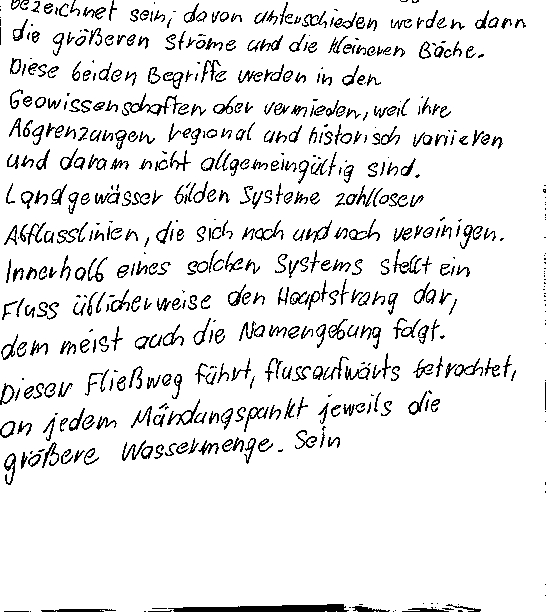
bezeichnet sein; davon unterschieden werden dann
die größeren Ströme und die kleineren Bäche.
Diese beiden Begriffe werden in den
Geowissenschaften aber vermieden, weil ihre
Abgrenzungen regional und historisch variieren
und darum nicht allgemeingültig sind.
Landgewässer bilden Systeme zahlloser
Abflusslinien, die sich nach und nach vereinigen.
Innerhalb eines solchen Systems stellt ein
Fluss üblicherweise den Hauptstrang dar,
dem meist auch die Namengebung Folgt.
Dieser Fließweg führt, flussaufwärts betrachtet,
an jedem Mündungspunkt jeweils die
größere Wassermenge. Sein
